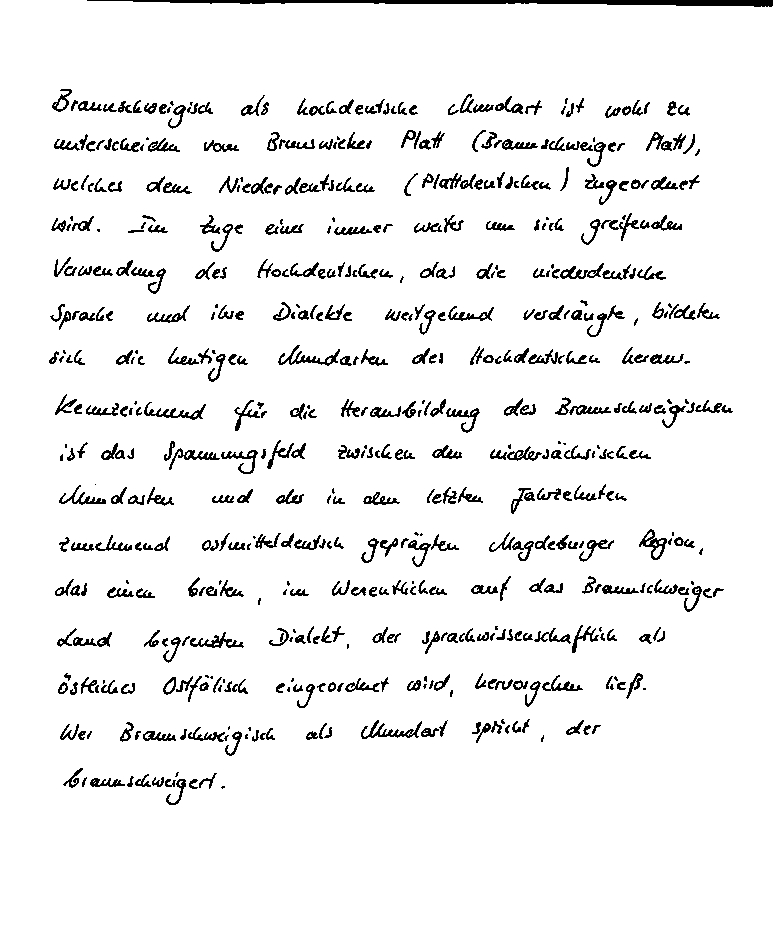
Braunschweigisch als hochdeutsche Mundart ist wohl zu
unterscheiden vom Brunswieker Platt (Braunschweiger Platt),
welches dem Niederdeutschen (Plattdeutschen) zugeordnet
wird. Im Zuge einer immer weiter um sich greifenden
Verwendung des Hochdeutschen, das die niederdeutsche
Sprache und ihre Dialekte weitgehend verdrängte, bildeten
sich die heutigen Mundarten des Hochdeutschen heraus.
Kennzeichnend für die Herausbildung des Braunschweigischen
ist das Spannungsfeld zwischen den niedersächsischen
Mundarten und der in den letzten Jahrzehnten
zunehmend ostmitteldeutsch geprägten Magdeburger Region,
das einen breiten, im Wesentlichen auf das Braunschweiger
Land begrenzten Dialekt, der sprachwissenschaftlich als
östliches Ostfälisch eingeordnet wird, hervorgehen ließ.
Wer Braunschweigisch als Mundart spricht, der
braunschweigert.
